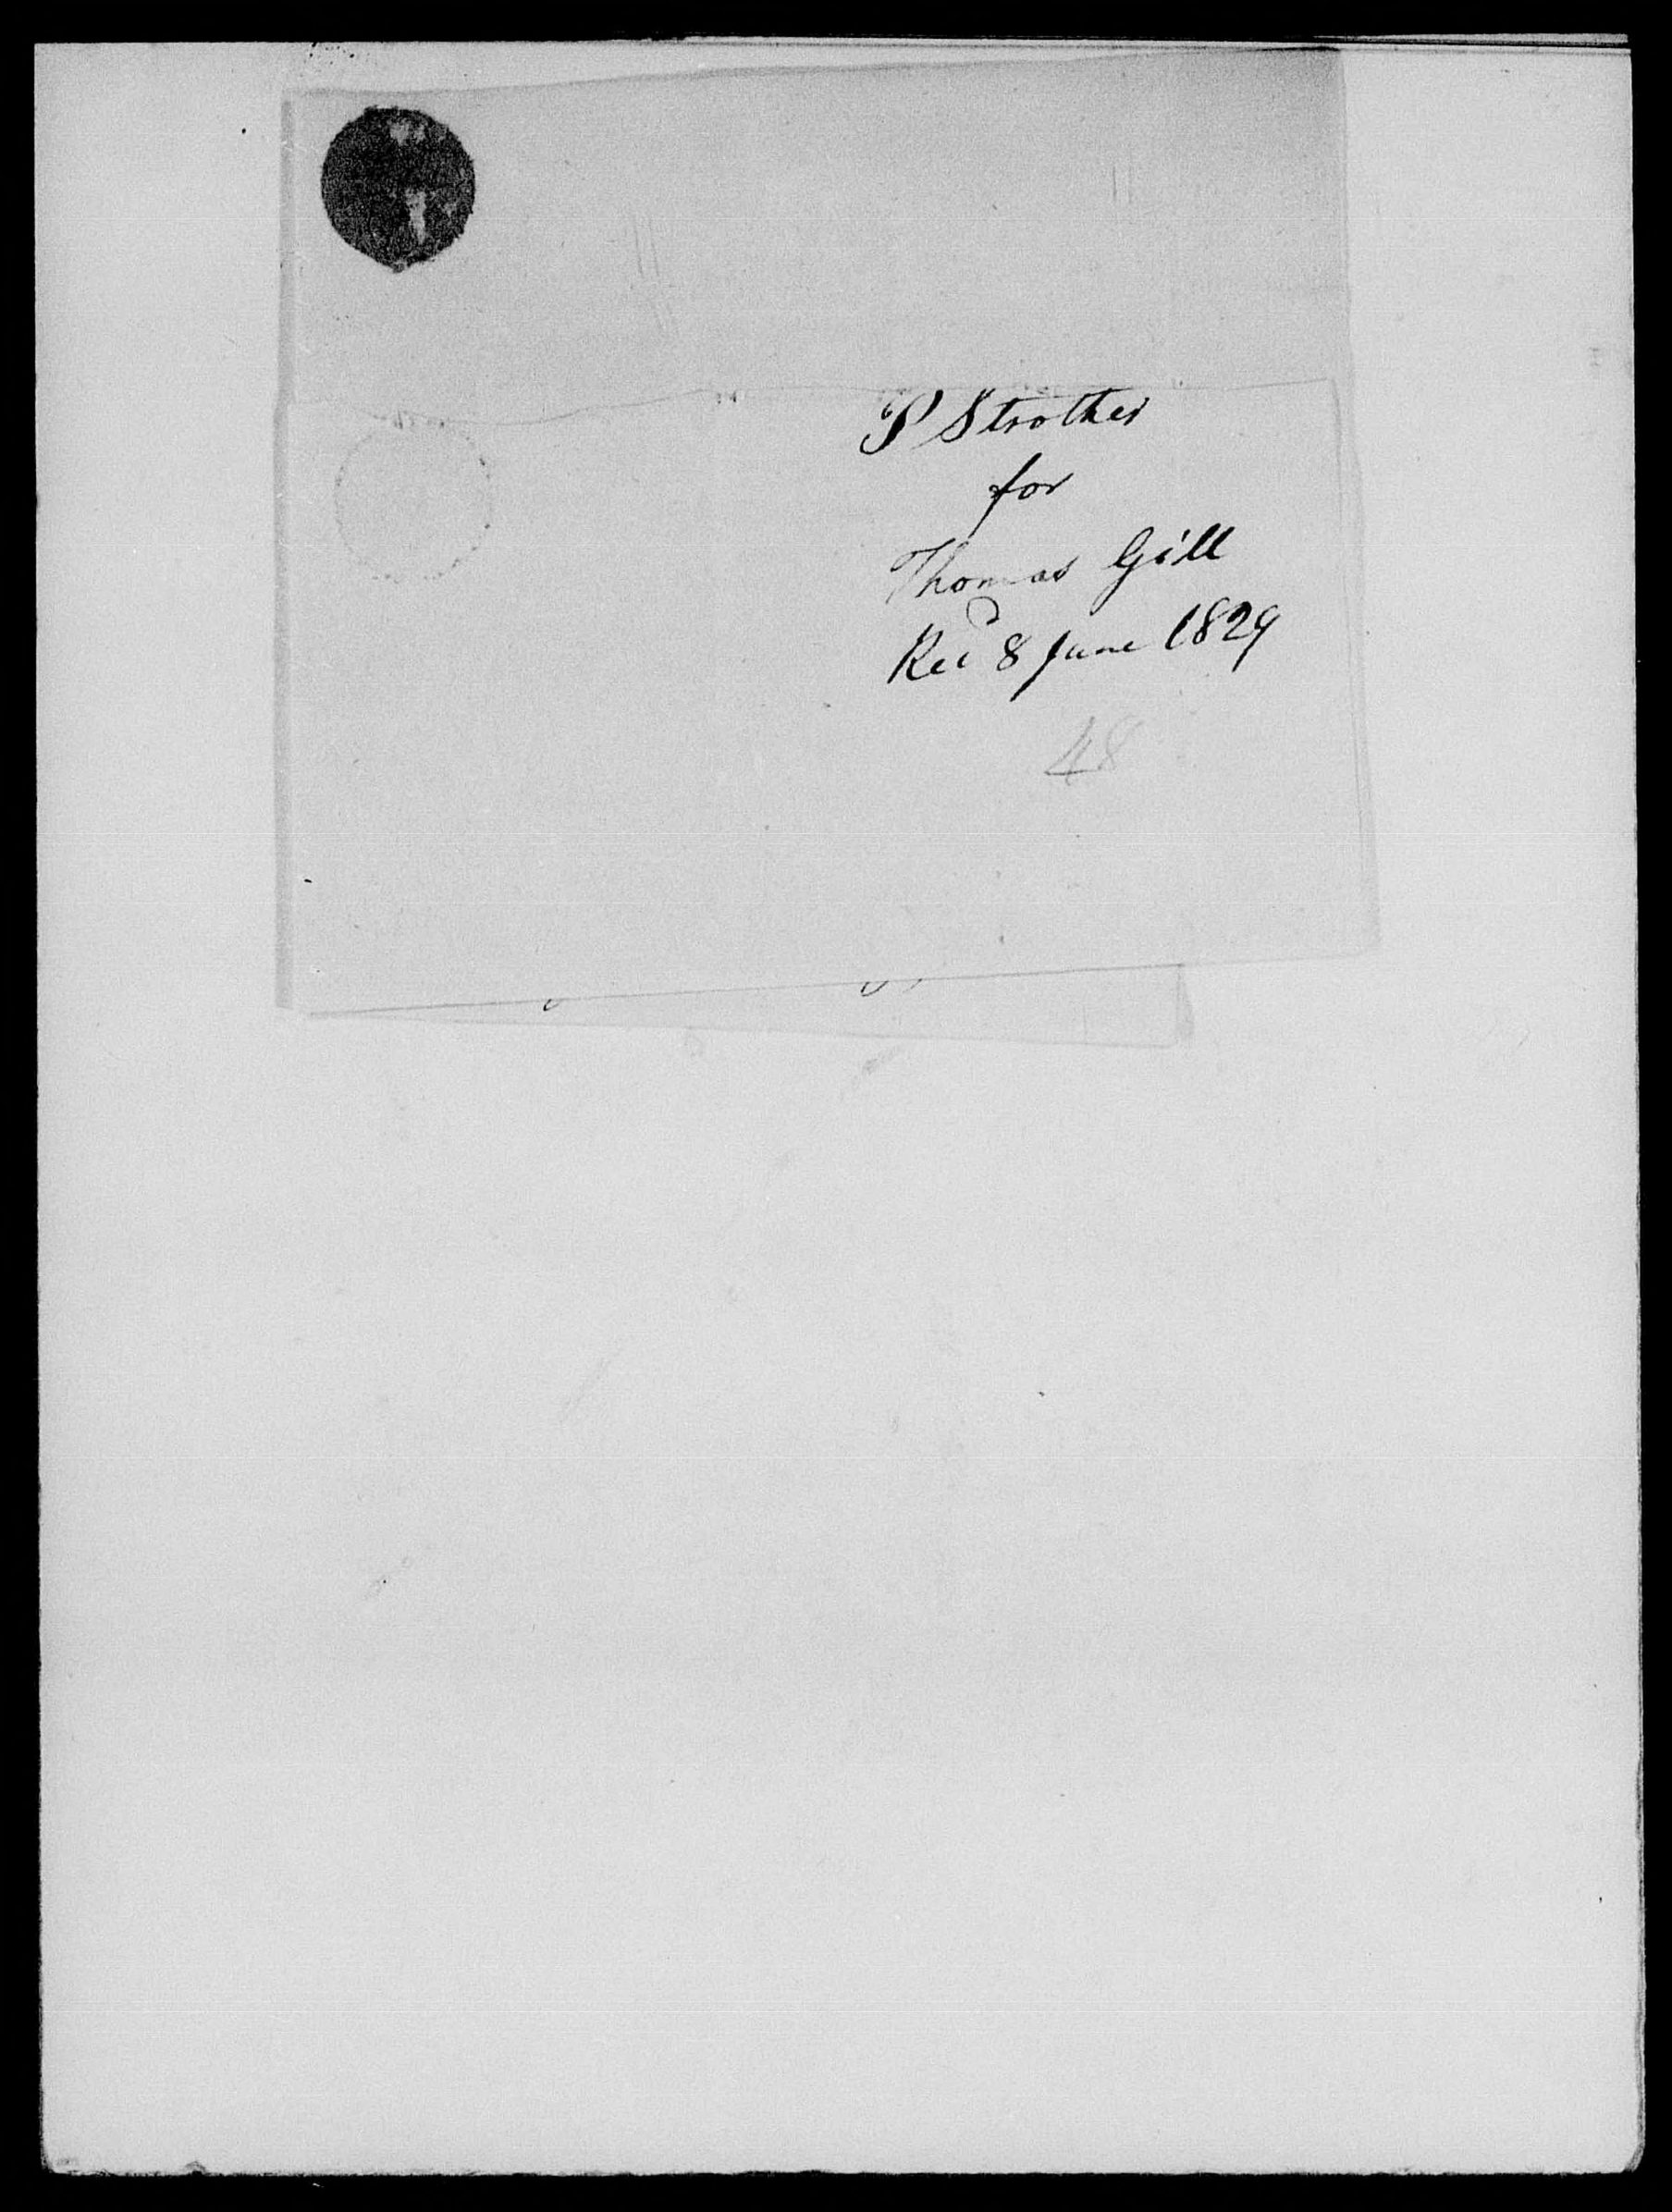P Strother
for Thomas Gill
Rec 8 June 1829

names: Thomas Gill, P Strother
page: 30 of 44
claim: survivor's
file: S. 31,061, Thomas Gill, S.C.